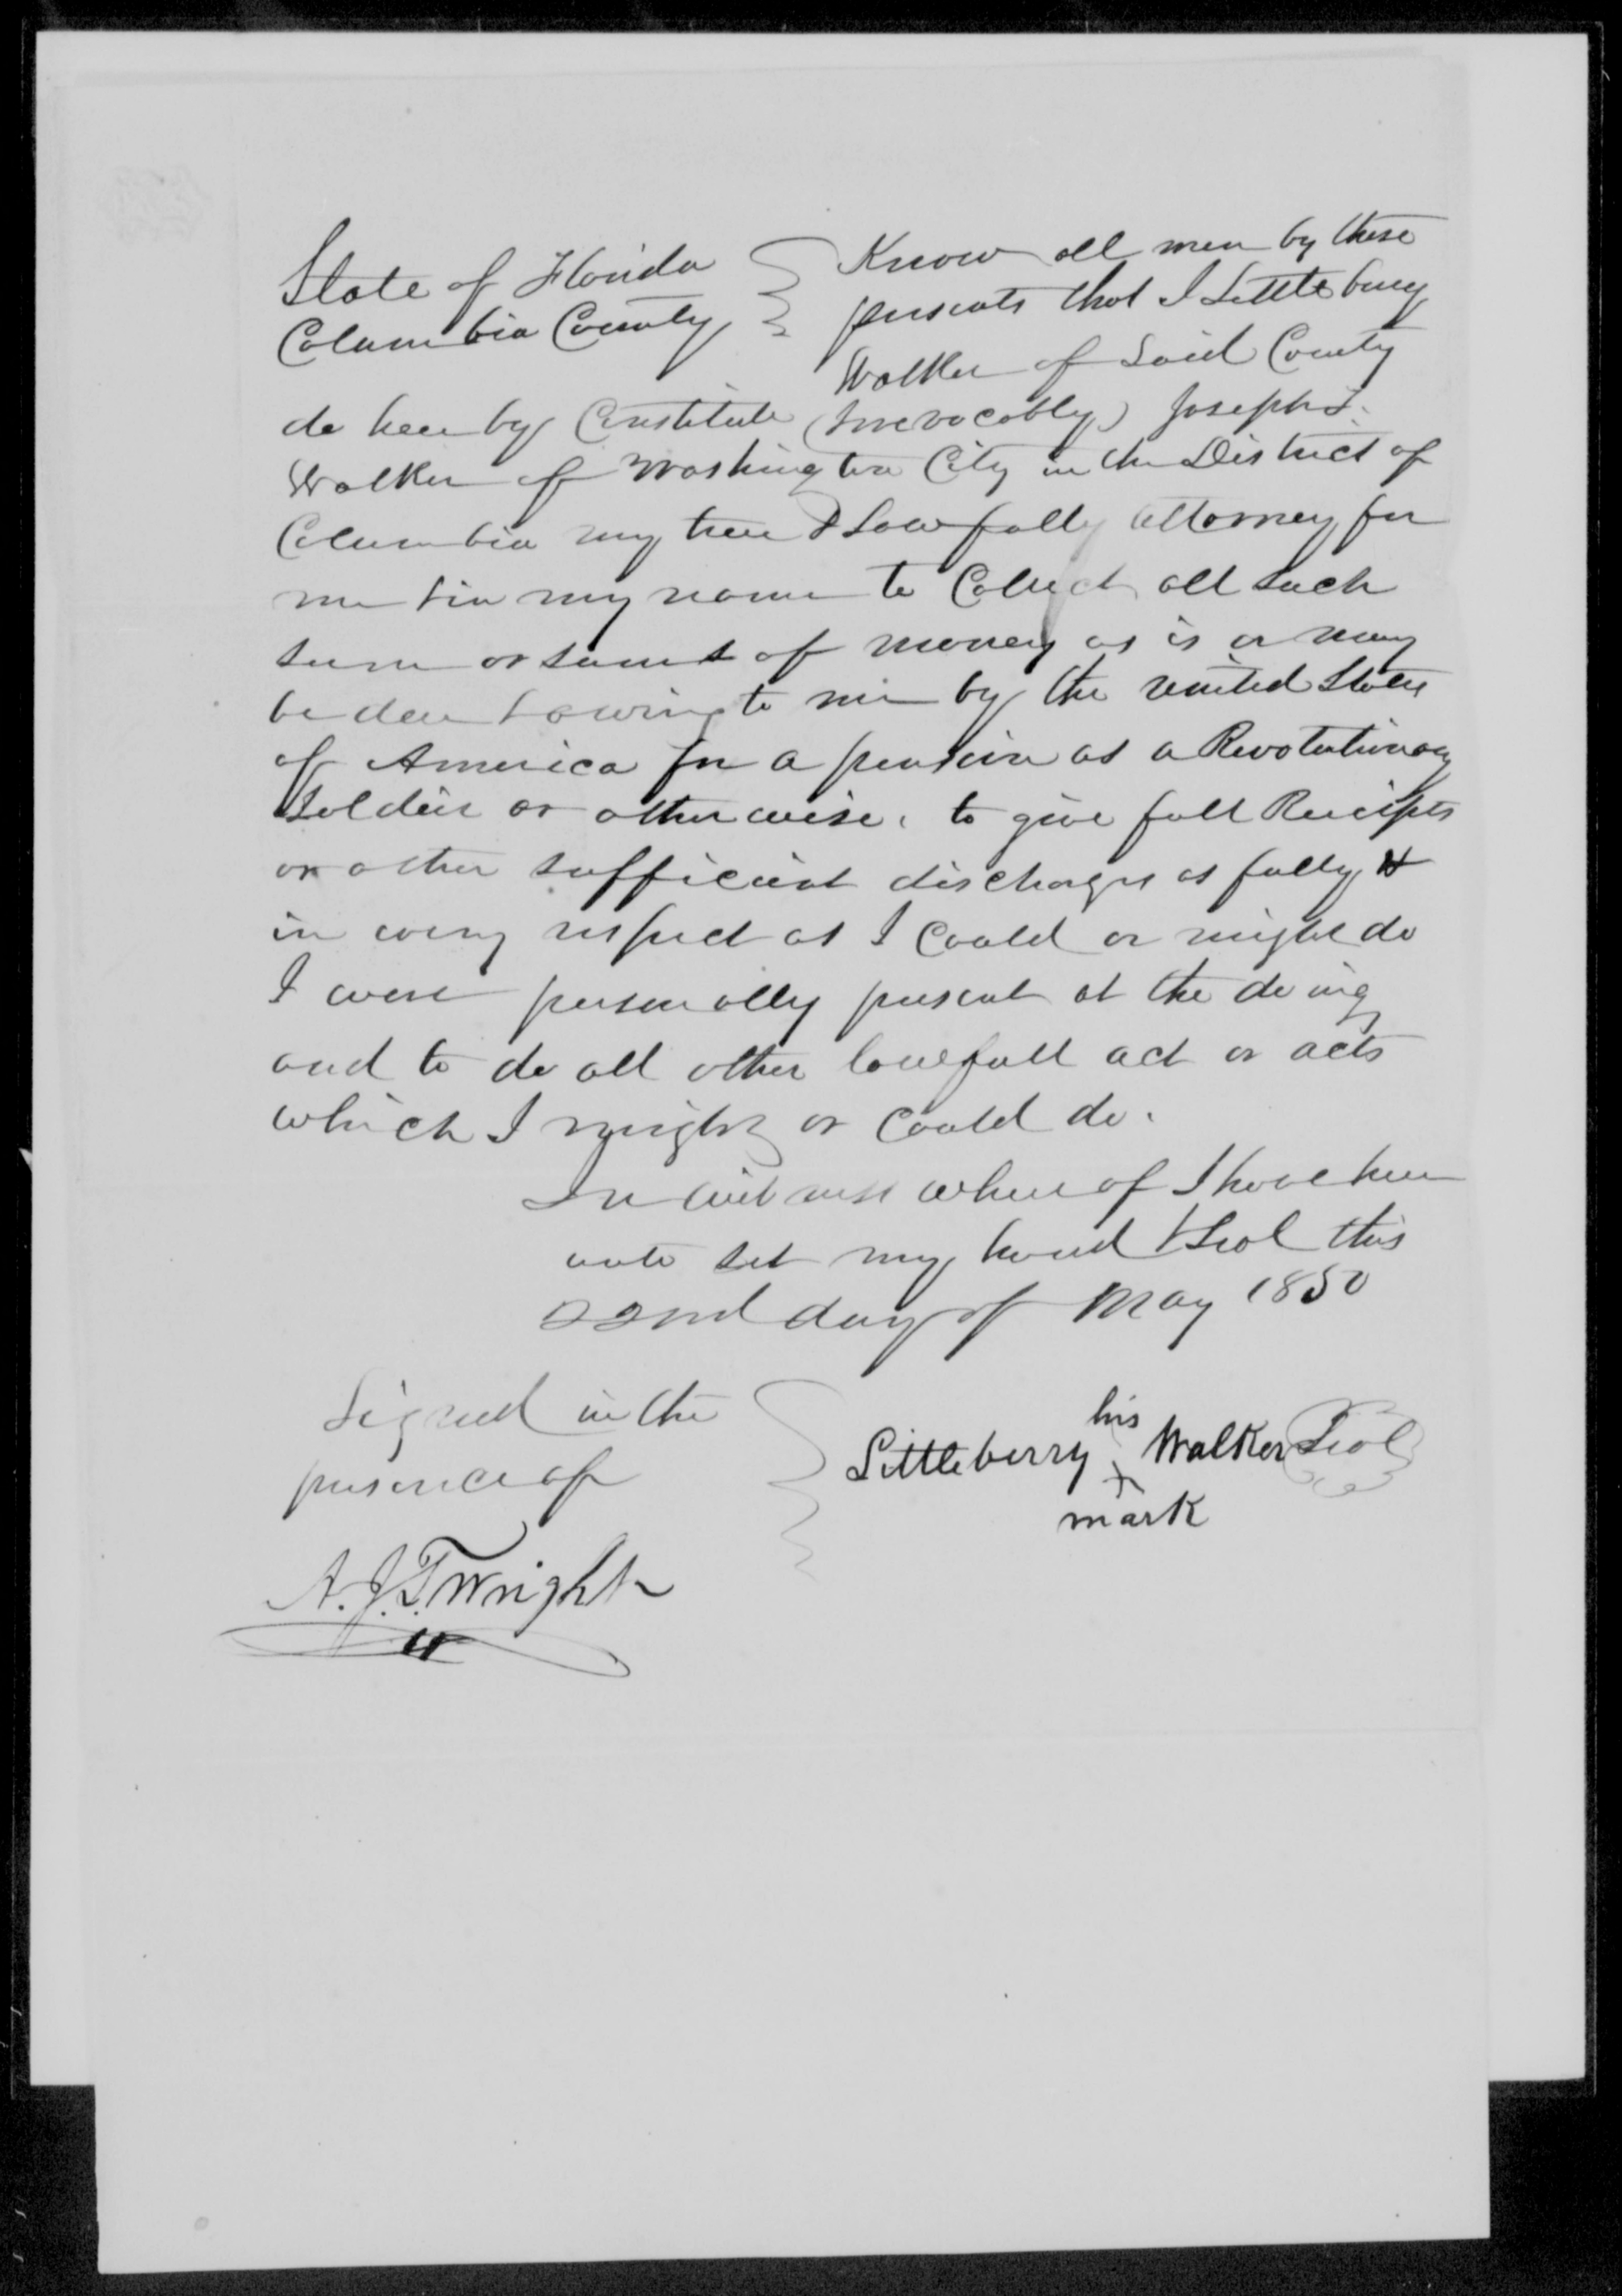State of Florida
Columbia County.
Know all men by these present that I, Littleberry Walker of said county, do hereby constitute irrevocably Joseph Walker of Washington City in the District of Columbia my true & lawful attorney for me & in my name to collect all such sum or sums of money as is or may be owing to me by the United States of America for a pension as a Revolutionary Soldier or otherwise, to give full receipts on other sufficient discharges as fully & in every respect as I could or would do if I were personally present at the doing and to do all other lawful act or acts which I could do.
In witness where of I have been her unto set my hand & seal this 22nd day of May 1850
Littleberry Walker
"X" "his mark"

Signed in the presence of
A.J. Wright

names: Joseph T Walker, Littleberry Walker, Littleberry Walker, A J T Wright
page: 13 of 15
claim: rejected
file: R. 11045, Littleberry Walker, Ga.